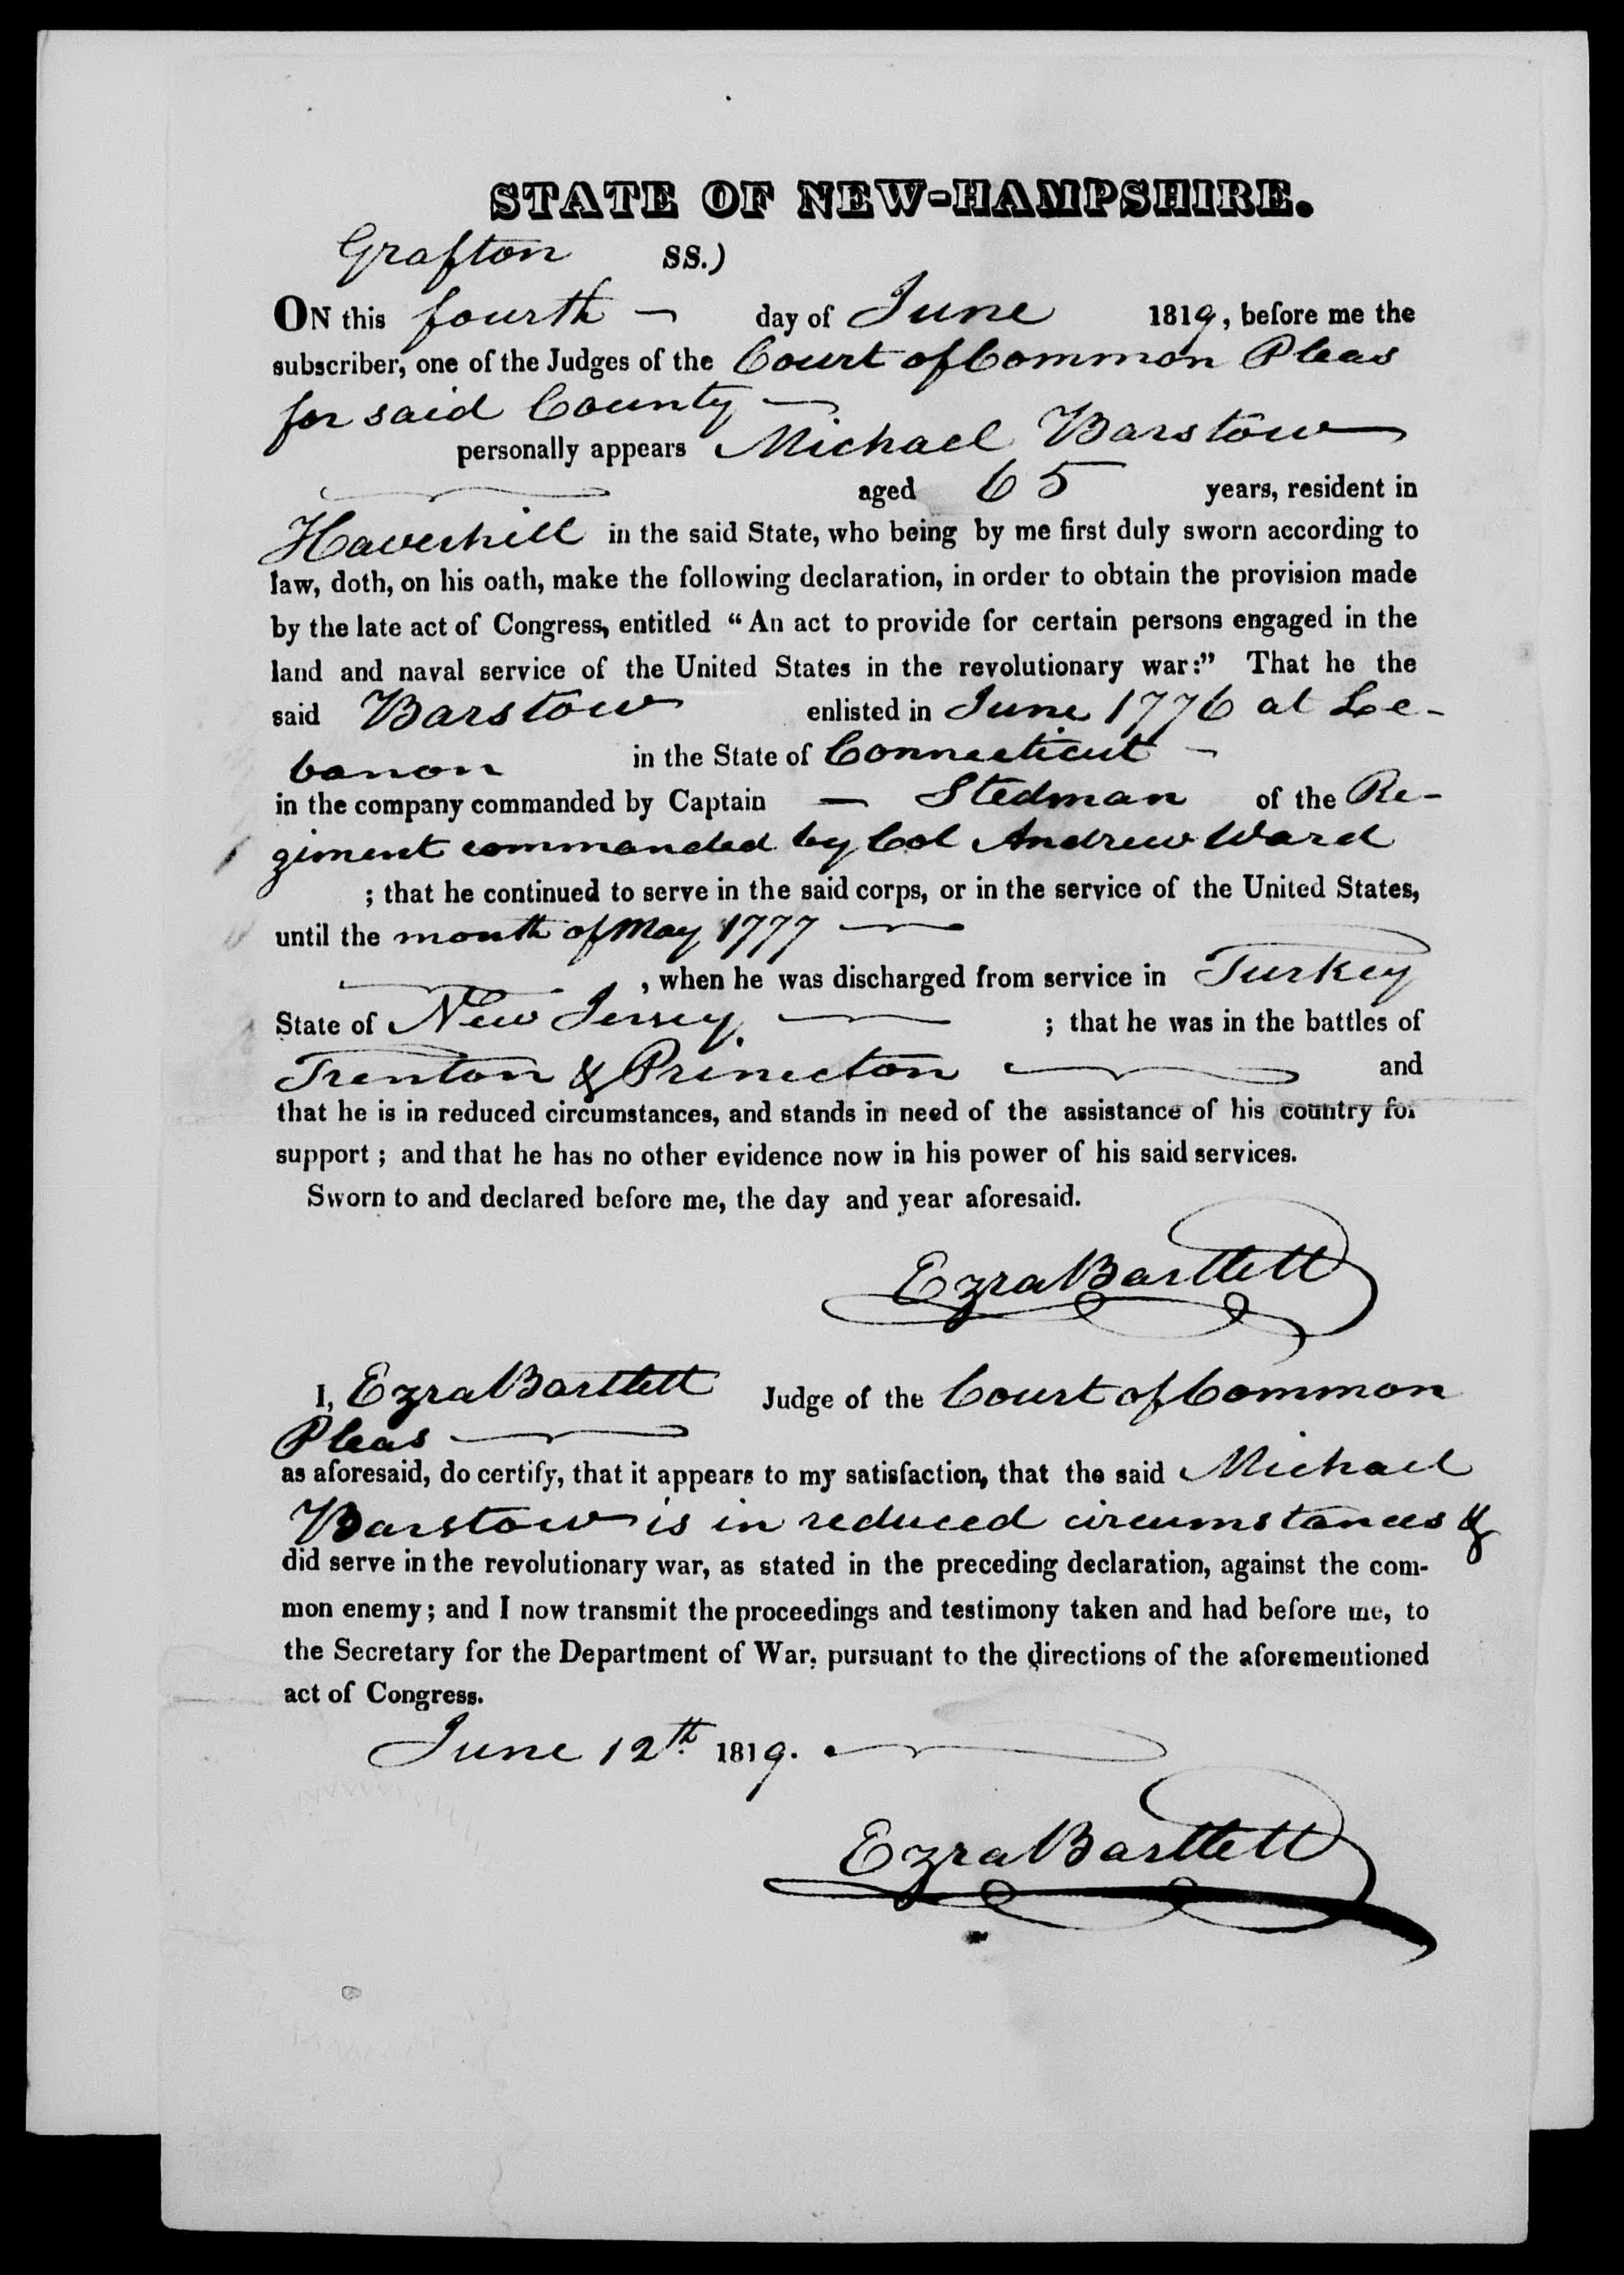STATE OF NEW HAMPSHIRE
Grafton ss
On this fourth day of June 1819, before met he subscriber, one of the Judges of the Court of Common Pleas for said county, personally appears Michael Barstow, aged 65 years, resident in Haverhill in the said state, who being by me first duly sworn according to law, doth, on his oath, make the following declaration, in order to obtain the provision made by the late act of Congress, entitled "An act to provide for certain persons engaged in the land and naval service of the United States in the revolutionary war;" That he the said Barstow enlisted in June 1776 at Lebanon in the state of Connecticut in the company commanded by Captain Stedman of the regiment commanded by Col. Andrew Ward; that he continued to serve in the said corps, or in the service of the United States, until the month of May 1777 when he was discharged from service in Turkey state of New Jersey; that he was in the battles of Trenton and Princeton and that he is in reduced circumstances and stands in need of the assistance of his country for support; and that he has no other evidence now in his power of his said services.
Sworn to and declared before me, the day and year aforesaid.
Ezra Bartlett

I, Ezra Bartlett, Judge of the Court of Common Pleas as aforesaid, do certify that it appears to my satisfaction, that the said Michael Barstow is in reduced circumstances and did serve in the revolutionary war, as stated in the preceding declaration, against the common enemy; and I now transmit the proceedings and testimony taken and had before me, to the Secretary for the Department of War, pursuant to the directions of the aforementioned act of Congress.
June 12th, 1819
Ezra Bartlett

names: Michael Barstow, Stedman, Ezra Bartlett, Michael Barstow, Ezra Bartlett, Andrew Ward, Ezra Bartlett, Barstow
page: 5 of 22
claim: survivor's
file: S. 45,519, Michael Barstow, Conn.